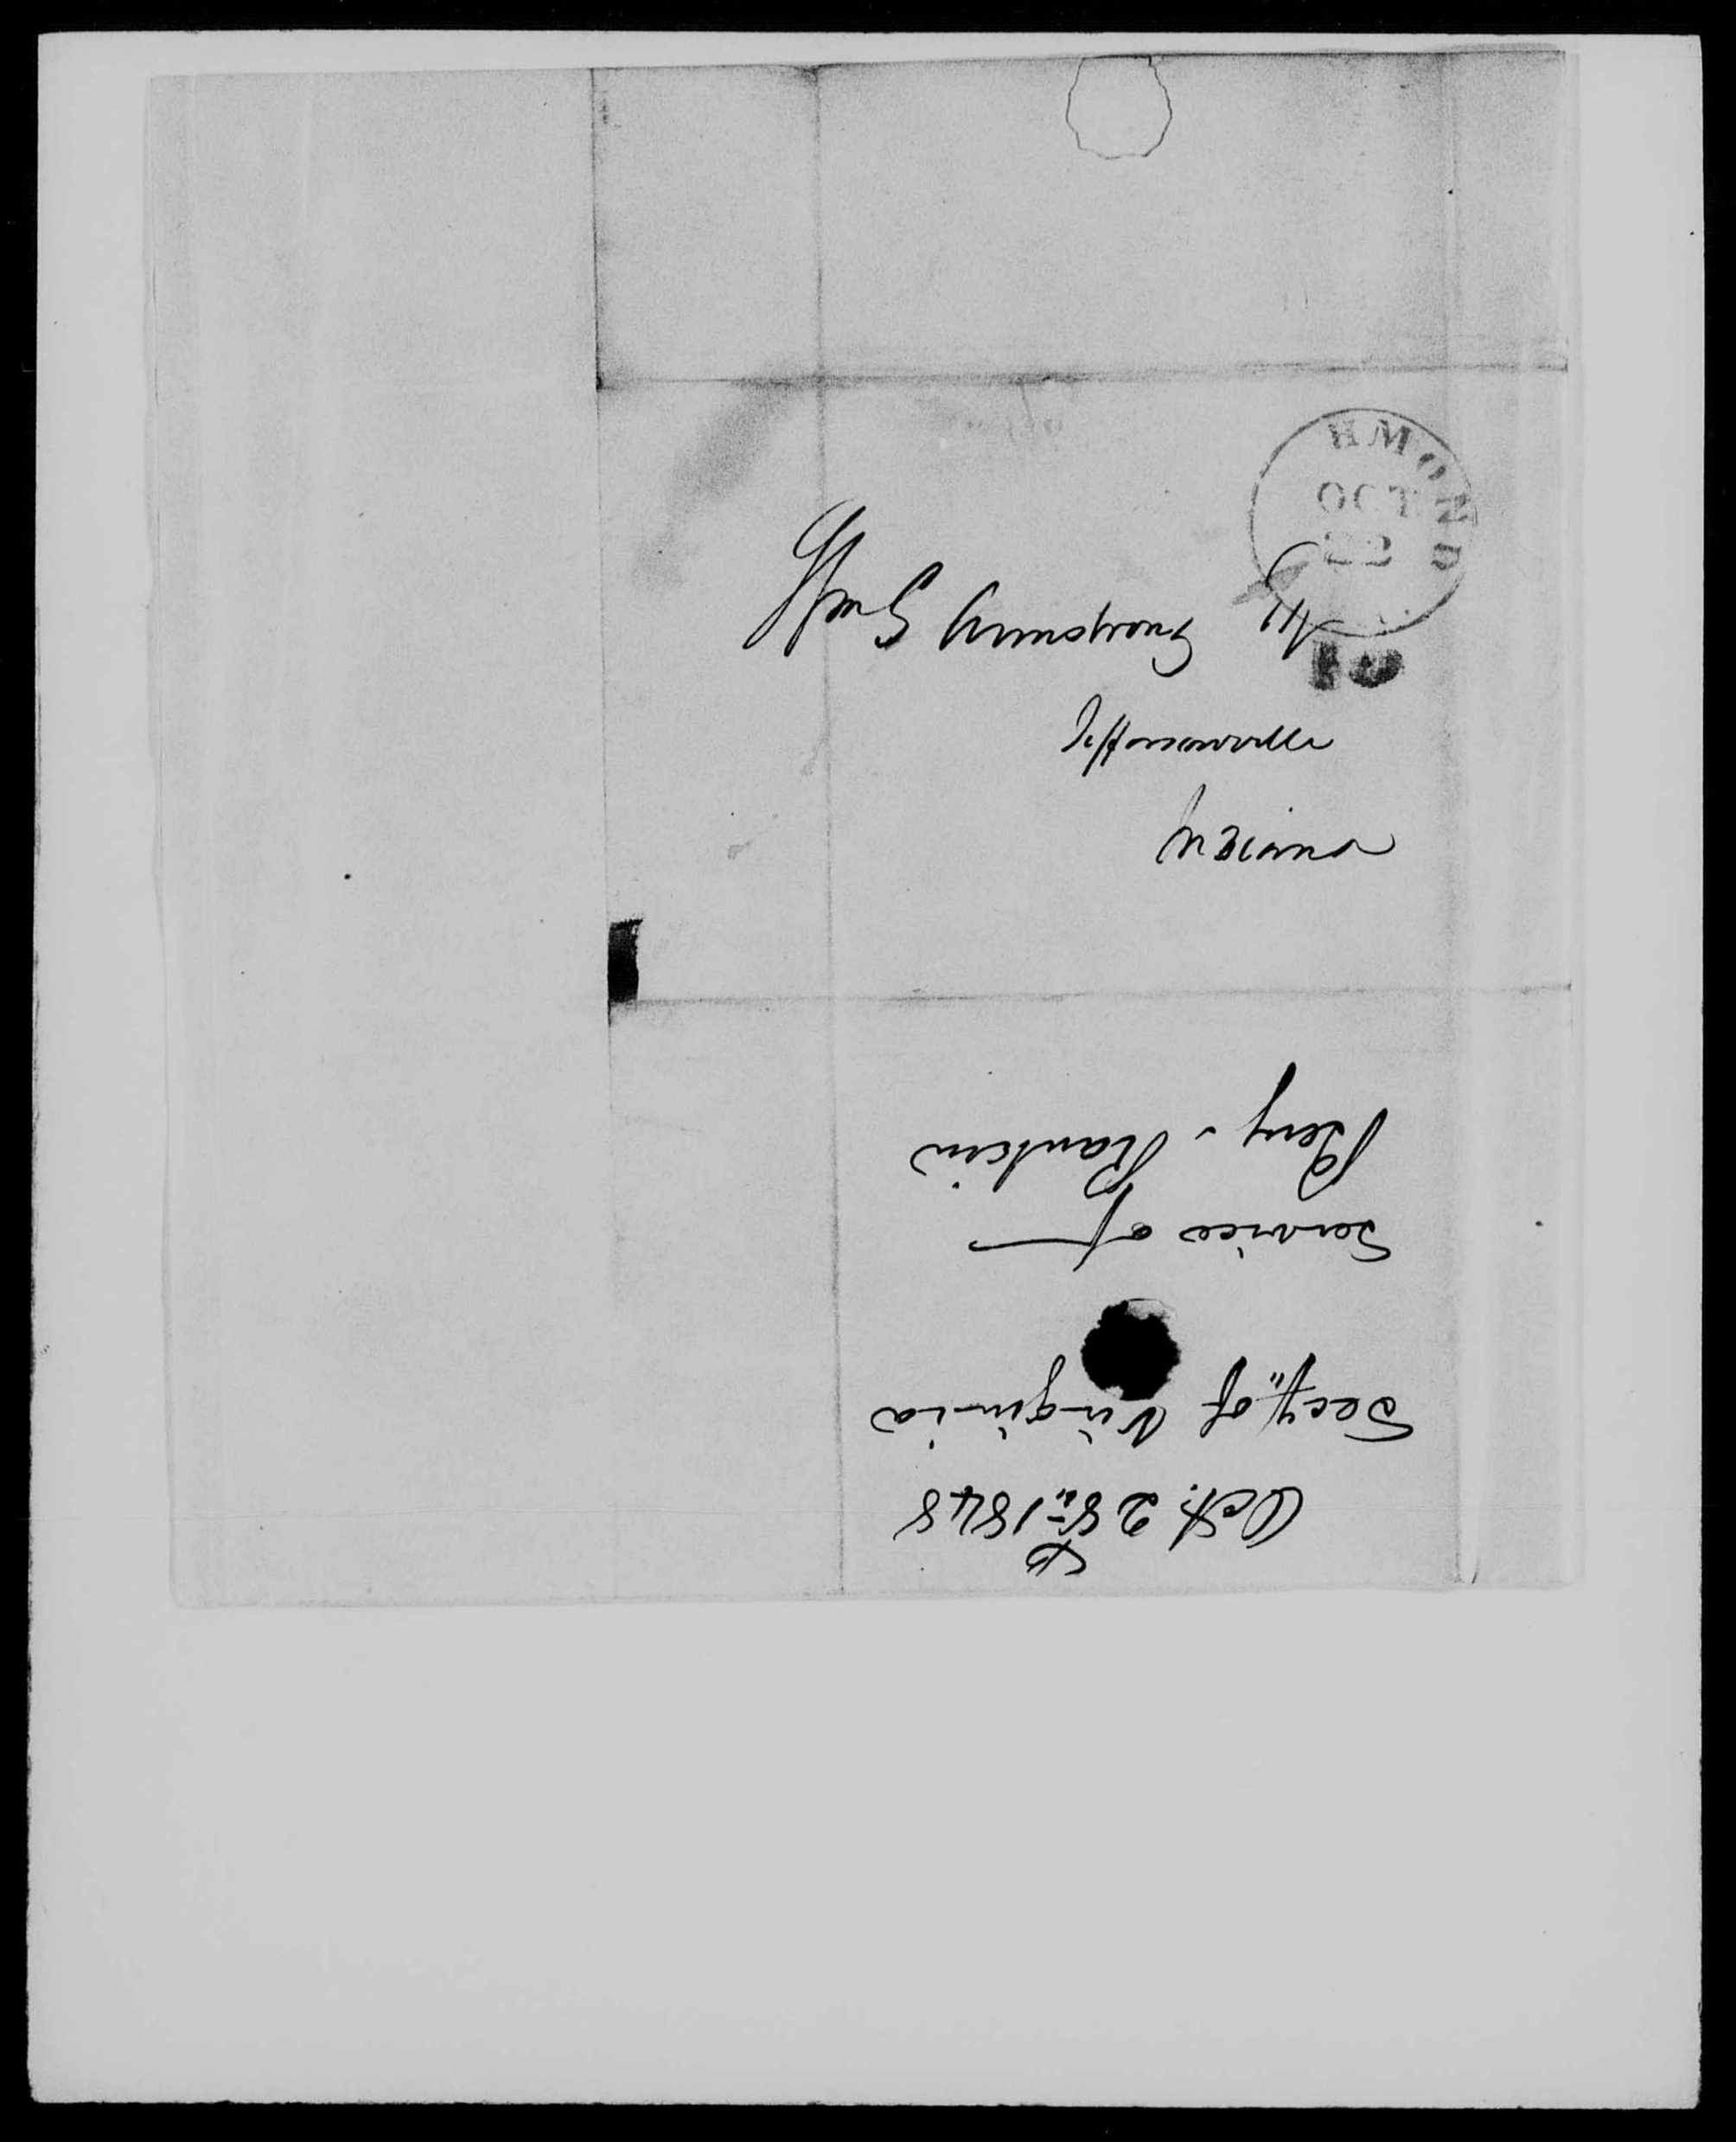[An envelope or cover for a letter]

[A round stamp, with location around the edge and date in the center]

HMOND OCT 22

Wm G Armstrong
[illegible] Harrisonville Indiana

[Written upside down below the fold]

Oct 28th-1848
Secy of Virginia
Services of Benj. Rankins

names: Benj Rankins, Wm G Armstrong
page: 81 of 84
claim: widow's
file: W. 7744, Daniel Hickey, Penn.